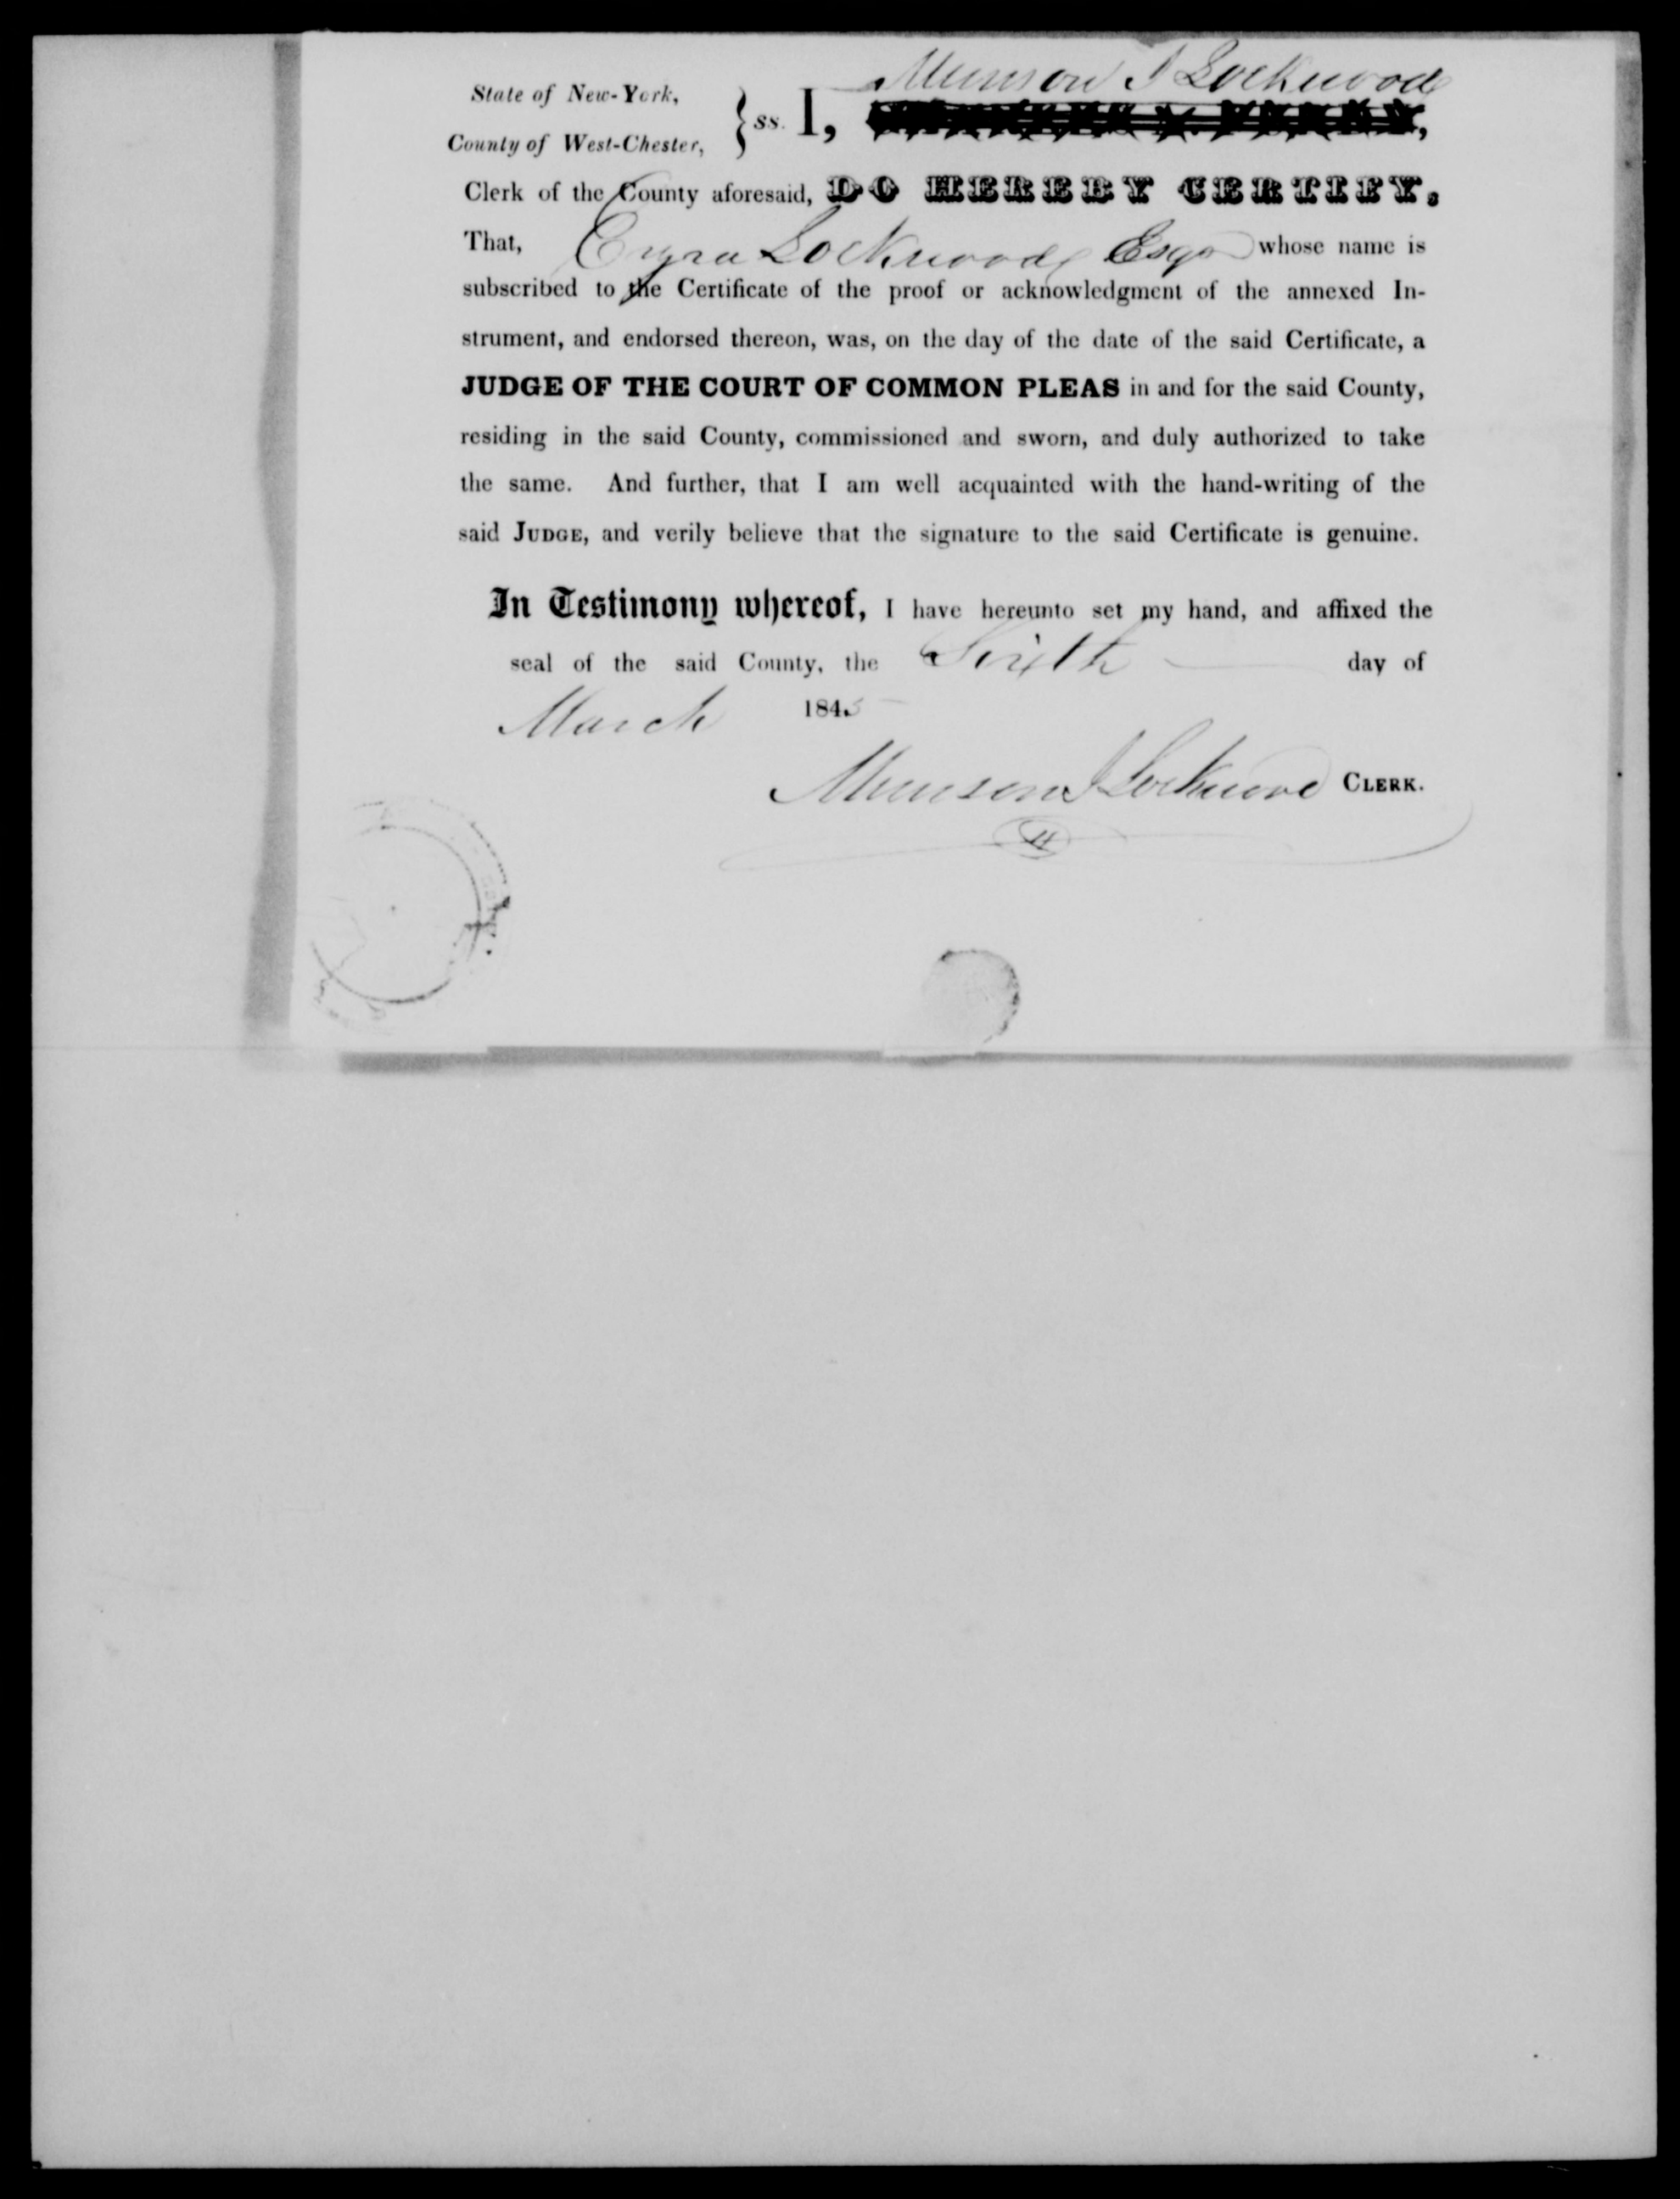State of New York, 
County of West-Chester,}ss I. Munson I. Lockwood Clerk of the County aforesaid, DO HEREBY CERTIFY, That, Ezra Lockwood Esqr whose name is subscribed to the Certificate of the proof or acknowledgment of the annexed instrument, and endorsed thereon, was, on the day of the date of the said Certificate, a JUDGE OF THE COURT OF COMMON PLEAS in and for the said County, residing in the said County, commissioned and sworn, and duly authorized to take the same. And further, that I am well acquainted with the hand-writing of the said JUDGE, and verily believe that the signature to the said Certificate is genuine. 
In Testimony whereof, I have hereunto set my hand, and affixed the seal of the said County, the sixth day of March 184. 
Munson Lockwood Clerk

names: Munson I Lockwood; Ezra Lockwood; Munson I Lockwood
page: 17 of 87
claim: widow's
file: W. 22,226, for Nathan Slawson, Connecticut